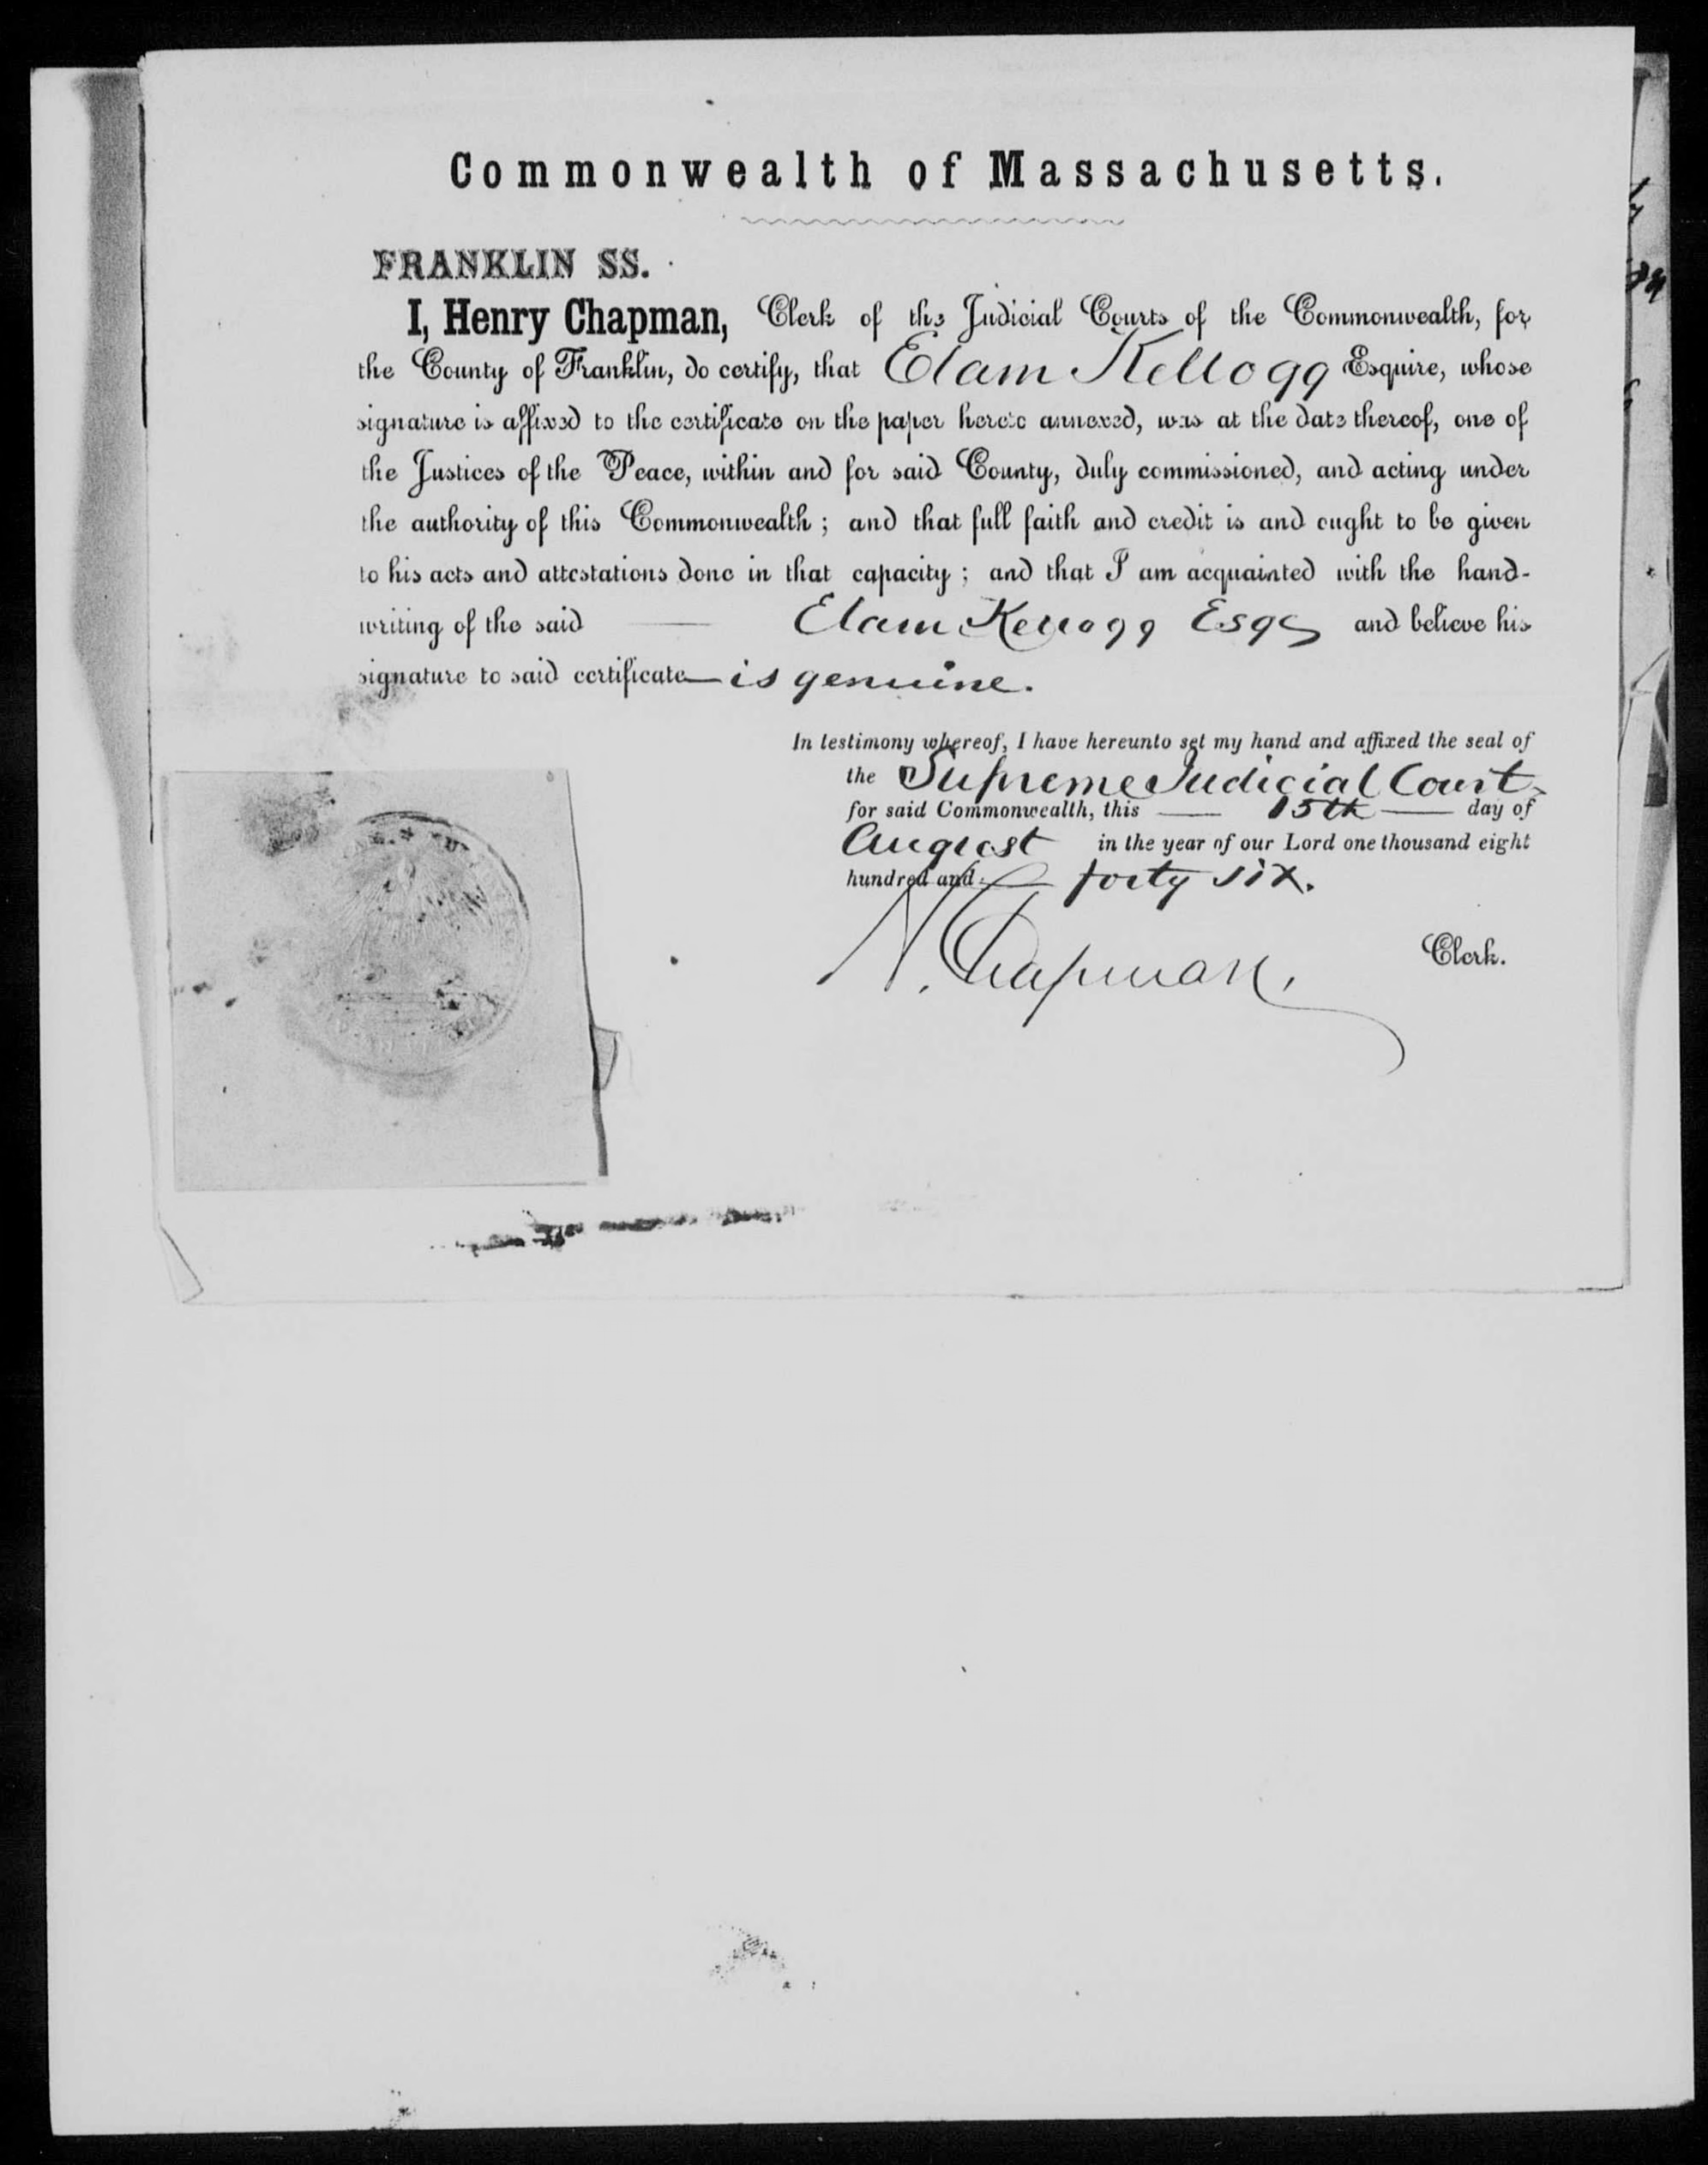Commonwealth of Massachusetts
FRANKLIN SS.
I, Henry Chapman, Clerk of the Judicial Courts of the Commonwealth, for
the County of Franklin, do certify, that Elam Kellogg Esquire, whose
signature is affixed to the certificate on the paper hereto annexed, was at the date thereof, one of the
Justices of the Peace, within and for said County, duly commissioned, and acting under the
authority of this Commonwealth; and that full faith and credit is and ought to be given
to his acts and attestations done in that capacity; and that I am acquainted with the hand
writing of the said Elam Kellogg Esq and believe his
signature to said certificate is genuine.
In testimony whereof, I have hereunto set my hand and affixed the seal of
the Supreme Judicial Court
for said Commonwealth, this 15th day of 
August in the year of our Lord one thousand eight hundred and forty six.

H. Chipman, Clerk.
[lower left affixed seal, illegible]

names: H Chapman, Elam Kellogg, Henry Chapman, Elam Kellogg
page: 32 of 39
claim: widow's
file: W. 20624, David Anderson, Mass